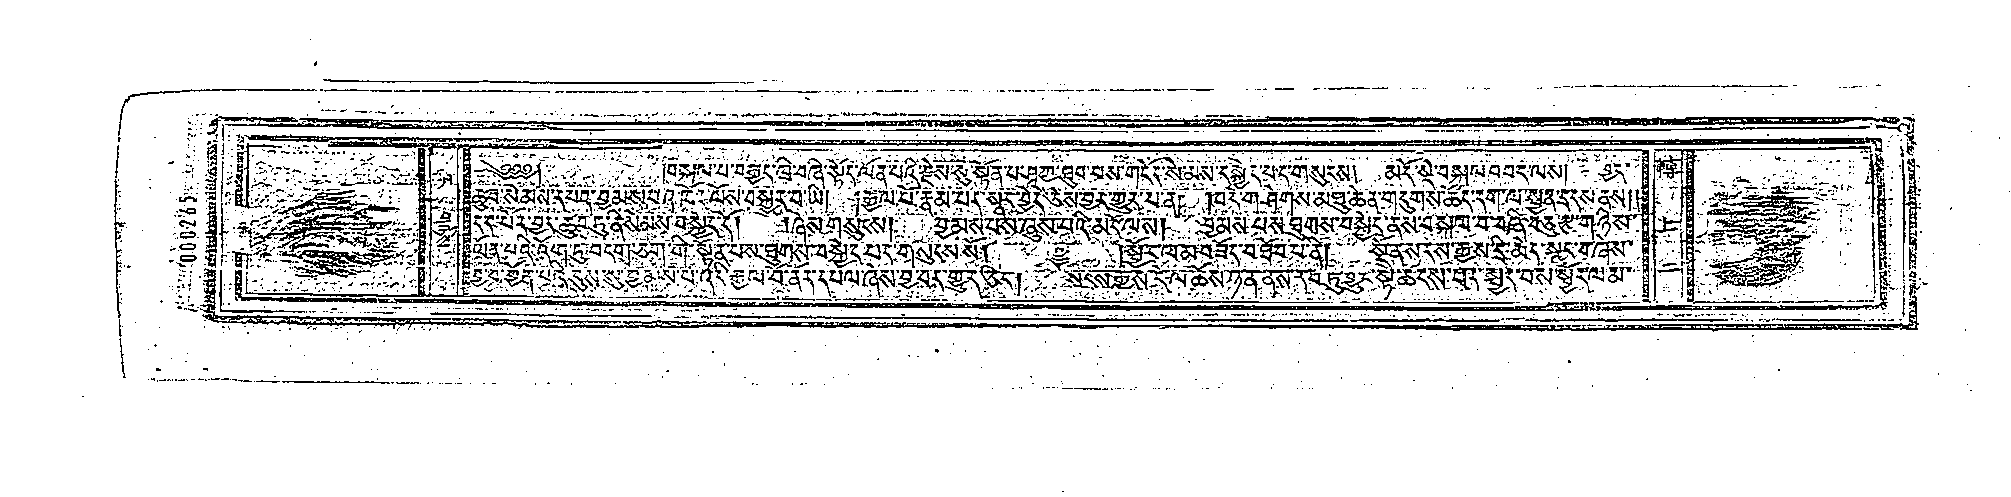༄༅༅། །བསྐལ་པ་བརྒྱད་ཁྲི་བཞི་སྟོང་ལོན་པའི་རྗེས་སུ་སྟོན་པ་ཤཱཀྱ་ཐུབ་པས་གདོང་སེམས་བསྐྱེད་པར་གསུངས། མདོ་སྡེ་བསྐལ་བཟང་ལས། བྱང་
ཆུབ་སེམས་དཔའ་བྱམས་པ་འཁོར་ལོས་བསྒྱུར་བ་ཡི། །རྒྱལ་པོ་རྣམ་པར་སྣང་བྱེད་ཅེས་བྱར་གྱུར་པ་ན། །བདེ་གཤེགས་མཐུ་ཆེན་གདུགས་ཚོད་དག་ལ་སྤྱན་དྲངས་ནས། །
དང་པོར་བྱང་ཆུབ་ཏུ་ནི་སེམས་བསྐྱེད་དོ། །ཞེས་གསུངས། བྱམས་པས་ཞུས་པའི་མདོ་ལས། བྱམས་པས་ཐུགས་བསྐྱེད་ནས་བསྐལ་བ་བཞི་བཅུ་རྩ་གཉིས་
ལོན་པའི་འོག་ཏུ་བདག་ཅག་གི་སྟོན་པས་ཐུགས་བསྐྱེད་པར་གསུངས་སོ། ༈ །སྦྱོར་ལམ་བཟོད་བ་ཐོབ་པ་ནི། སྔོན་སངས་རྒྱས་དྲི་མེད་སྣང་བ་ཞེས་
བྱ་བ་བྱོན་པའི་དུས་སུ་བྱམས་པ་འདི་རྒྱལ་བོ་ནོར་དཔལ་ཞེས་བྱ་བར་གྱུར་ཅིང་། སངས་རྒྱས་དེ་ལ་ཆོས་ཉན་ནས་རབ་ཏུ་བྱུང་སྟེ་ཚངས་པར་སྤྱད་པས་སྦྱོར་ལམ་